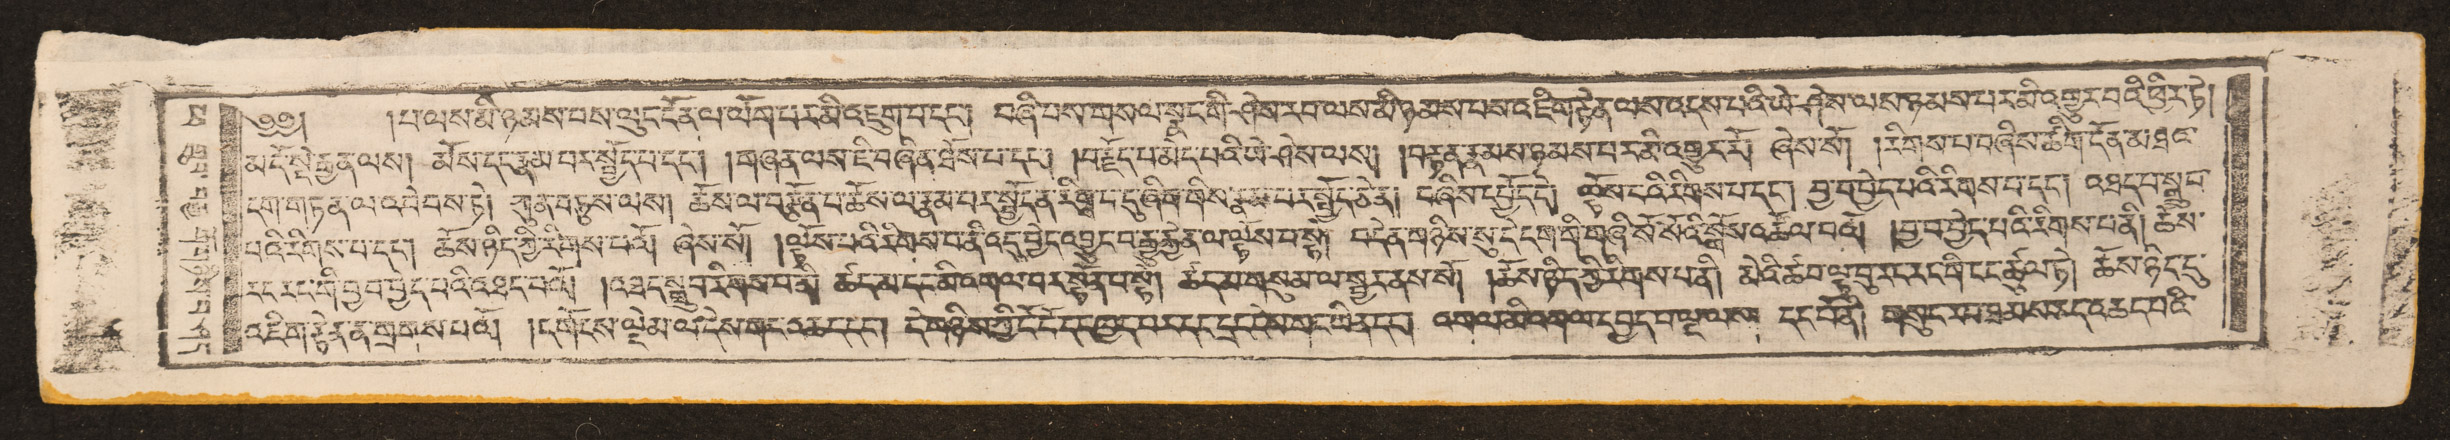༄༅། །པ་ལས་མི་ཉམས་པས་ལུང་དོན་ལ་ལོག་པར་མི་འཇུག་པ་དང་། བཞི་པས་གསལ་སྣང་གི་ཤེས་རབ་ལས་མི་ཉམས་པས་འཇིག་རྟེན་ལས་འདས་པའི་ཡེ་ཤེས་ལས་ཉམས་པར་མི་འགྱུར་བའི་ཕྱིར་ཏེ།
མདོ་སྡེ་རྒྱན་ལས། མོས་དང་རྣམ་པར་སྤྱོད་པ་དང་། །གཞན་ལས་ཇི་བཞིན་ཐོས་པ་དང་། །བརྗོད་པ་མེད་པའི་ཡེ་ཤེས་ལས། །བརྟན་རྣམས་ཉམས་པར་མི་འགྱུར་རོ། ཞེས་སོ། །རིགས་པ་བཞིས་ཚིག་དོན་མཐའ་
དག་གཏན་ལ་འབེབས་ཏེ། ཀུན་བཏུས་ལས། ཆོས་ལ་བརྩོན་པ་ཆོས་ལ་རྣམ་པར་སྤྱོད་ན་རིགས་པ་དུ་ཞིག་གིས་རྣམ་པར་སྤྱོད་ཅེ་ན། བཞིས་དཔྱོད་དེ། ལྟོས་པའི་རིགས་པ་དང་། བྱ་བ་བྱེད་པའི་རིགས་པ་དང་། འཐད་པ་སྒྲུབ་
བའི་རིགས་པ་དང་། ཆོས་ཉིད་ཀྱི་རིགས་པའོ། ཞེས་སོ། །ལྟོས་པའི་རིགས་པ་ནི་འདུ་བྱེད་འབྱུང་བ་རྒྱུ་རྐྱེན་ལ་ལྟོས་པ་སྟེ། བདེན་གཉིས་སུ་དེ་དག་གི་གཞི་སོ་སོའི་སྒོས་འཚོལ་བའོ། །བྱ་བ་བྱེད་པའི་རིགས་པ་ནི། ཆོས་
རང་རང་གི་བྱ་བ་བྱེད་པའི་འཐད་པའོ། །འཐད་སྒྲུབ་རིགས་པ་ནི། ཚད་མ་དང་མི་འགལ་བར་སྟོན་པ་སྟེ། ཚད་མ་གསུམ་ལ་སྦྱར་ནས་སོ། །ཆོས་ཉིད་ཀྱི་རིགས་པ་ནི། མེའི་ཚ་བ་ལྟ་བུ་རང་རང་གི་ངང་?་ཚུལ་ཏེ། ཆོས་ཉིད་དུ་
འཇིག་རྟེན་ན་གྲགས་པའོ། །དགོངས་ལྡེམ་ལ་དེས་གང་འཆད་དང་། དེ་གཉིས་ཀྱི་ངོ་བོ་དང་ཁྱད་པར་དང་དྲང་ངེས་གང་ཡིན་དང་། འགལ་མི་འགལ་དབྱད་པ་ལྔ་ལས། དང་པོ་ནི། གསུང་རབ་ཐམས་ཅད་འཆད་པའི་